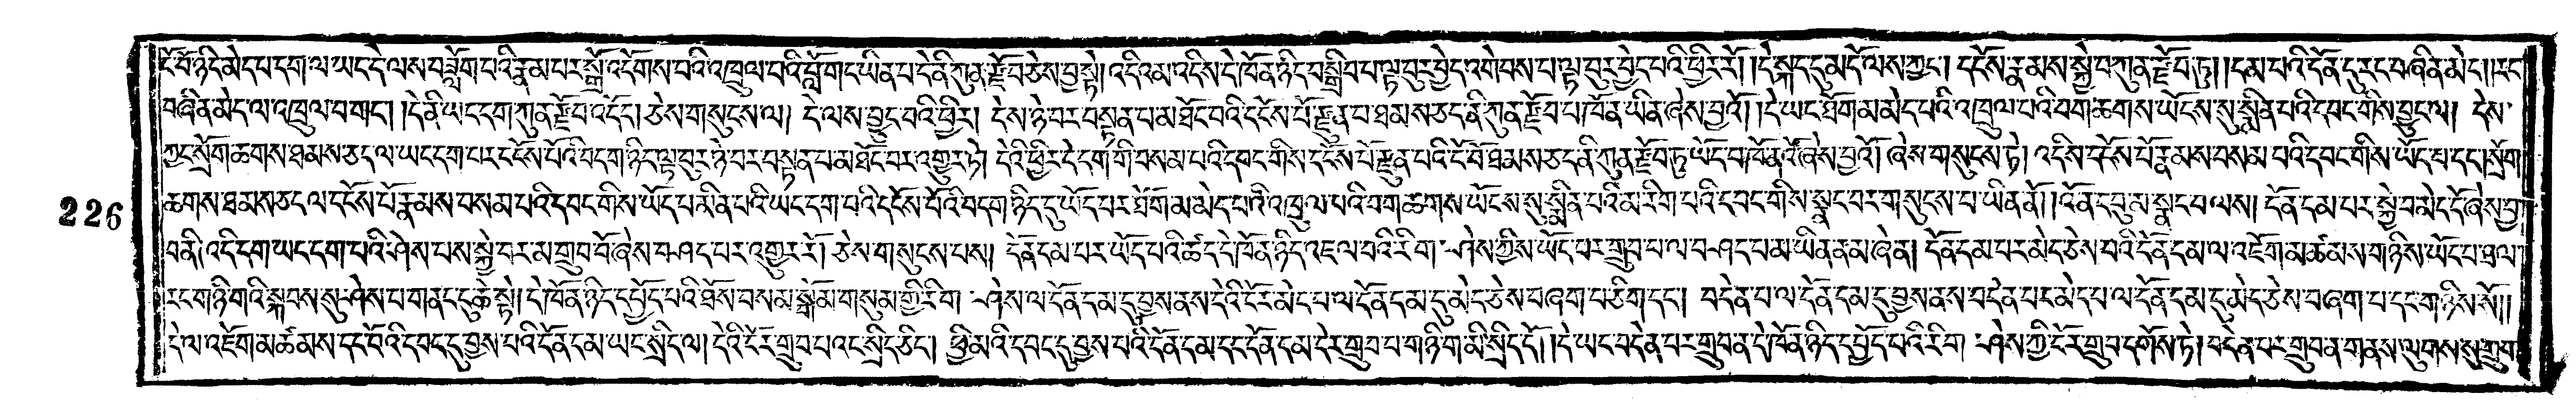ངོ་བོ་ཉིད་མེད་པ་དག་ལ་ཡང་དེ་ལས་བཟློག་པའི་རྣམ་པར་སྒྲོ་འདོགས་བའི་འཁྲུལ་བའི་བློ་གང་ཡིན་པ་དི་ནི་ཀུན་རྫོབ་ཅེས་བྱ་སྟེ། འདིའམ་འདིས་དེ་ཁོ་ན་ཉིད་བསྒྲིབ་པ་ལྟ་བུར་བྱེད་འགེབས་པ་ལྟ་བུར་བྱེད་པའི་ཕྱིར་རོ། །དེ་སྐད་དུ་མདོ་ལས་ཀྱང་། དངོས་རྣམས་སྐྱེ་བ་ཀུན་རྫོབ་ཏུ། །དམ་པའི་དོན་དུ་རང་བཞིན་མེད། །རང་
བཞིན་མེད་ལ་འཁྲུལ་བ་གང་། །དེ་ནི་ཡང་དག་ཀུན་རྫོབ་འདོད། ཅེས་གསུངས་ལ། དེ་ལས་བྱུང་བའི་ཕྱིར། དེས་ཉེ་བར་བསྟན་པ་མཐོང་བའི་དངོས་པོ་རྫུན་པ་ཐམས་ཅད་ནི་ཀུན་རྫོབ་པ་ཁོ་ན་ཡིན་ཞེས་བྱའོ། །དེ་ཡང་ཐོག་མ་མེད་པའི་འཁྲུལ་པའི་བག་ཆགས་ཡོངས་སུ་སྨིན་པའི་དབང་གིས་བྱུང་ལ། དེས་
ཀྱང་སྲོག་ཆགས་ཐམས་ཅད་ལ་ཡང་དག་པར་དངོས་པོའི་བདག་ཉིད་ལྟ་བུར་ཉེ་བར་བསྟན་པ་མཐོང་བར་འགྱུར་ཏེ། དེའི་ཕྱིར་དེ་དག་གི་བསམ་པའི་དབང་གིས་དངོས་པོ་རྫུན་པའི་ངོ་བོ་ཐམས་ཅད་ནི་ཀུན་རྫོབ་ཏུ་ཡོད་བ་ཁོ་ནའོ་ཞེས་བྱའོ། ཞེས་གསུངས་ཏེ། འདིས་དངོས་པོ་རྣམས་བསམ་པའི་དབང་གིས་ཡོད་པ་དང་། སྲོག་
ཆགས་ཐམས་ཅད་ལ་དངོས་པོ་རྣམས་བསམ་པའི་དབང་གིས་ཡོད་པ་མིན་པའི་ཡང་དག་པའི་དངོས་པོའི་བདག་ཉིད་དུ་ཡོད་པར་ཐོག་མ་མེད་པའི་འཁྲུལ་པའི་བག་ཆགས་ཡོངས་སུ་སྨིན་པའི་མ་རིག་པའི་དབང་གིས་སྣང་བར་གསུངས་པ་ཡིན་ནོ། །འོ་ན་དབུ་མ་སྣང་བ་ལས། དོན་དམ་པར་སྐྱེ་བ་མེད་དོ་ཞེས་བྱ་
བ་ནི༑ འདི་དག་ཡང་དག་པའི་ཤེས་པས་སྐྱེ་བར་མ་གྲུབ་བོ་ཞེས་བཤད་པར་འགྱུར་རོ། ཅེས་གསུངས་པས། དོན་དམ་པར་ཡོད་པའི་ཚད་དེ་ཁོ་ན་ཉིད་འཇལ་བའི་རིག་ཤེས་ཀྱིས་ཡོད་པར་གྲུབ་པ་ལ་བཤད་པ་མ་ཡིན་ནམ་ཞེ་ན། དོན་དམ་པར་མེད་ཅེས་བའི་དོན་དམ་ལ་འཇོག་མཚམས་གཉིས་ཡོད་བ་ཐལ་?
རང་གཉི་གའི་སྐབས་སུ་ཤེས་པ་གནང་དུ་ཆེ་སྟེ། དེ་ཁོ་ན་ཉིད་དཔྱོད་པའི་ཐོས་བསམ་སྒོམ་གསུམ་གྱི་རིག་ཤེས་ལ་དོན་དམ་དུ་བྱས་ནས་དེའི་དོར་མེད་པ་ལ་དོན་དམ་དུ་མེད་ཅེས་བཞག་པ་ཅིག་དང་། བདེན་པ་ལ་དོན་དམ་དུ་བྱས་ནས་བདེན་པར་མེད་པ་ལ་དོན་དམ་དུ་མེད་ཅེས་བཞག་པ་དང་གཉིས་སོ།།
དེ་ལ་འཇོག་མཚམས་དང་པོའི་དབང་དུ་བྱས་པའི་དོན་དམ་ཡང་སྲིད་ལ། དེའི་ངོར་གྲུབ་པའང་སྲིད་ཅིང་། ཕྱི་མའི་དབང་དུ་བྱས་པའི་དོན་དམ་དང་དོན་དམ་དེར་གྲུབ་པ་གཉི་ག་མི་སྲིད་དོ། །དེ་ཡང་བདེན་བར་གྲུབ་ན་དེ་ཁོ་ན་ཉིད་དཔྱོད་བའི་རིག་ཤེས་ཀྱི་ངོར་གྲུབ་དགོས་ཏེ། བདེན་པར་གྲུབ་ན་གནས་ལུགས་སུ་གྲུབ་